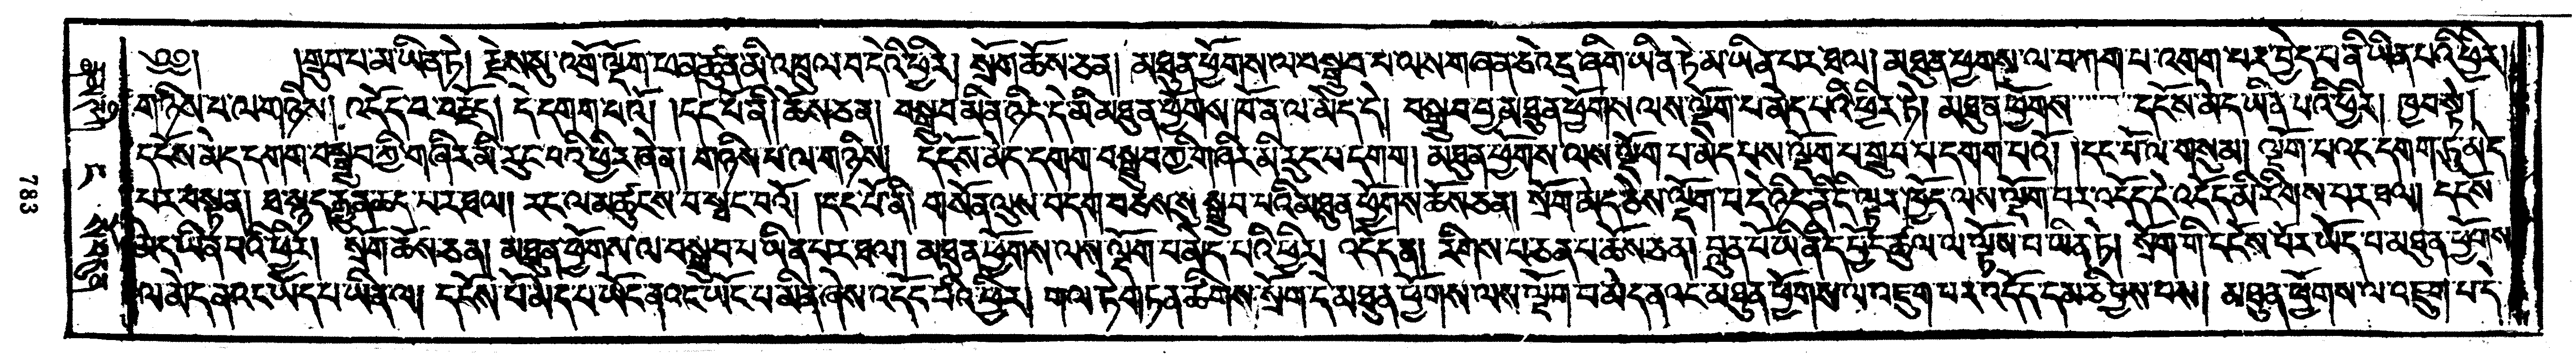༄༅། །གྲུབ་པ་མ་ཡིན་ཏེ། རྗེས་སུ་འགྲོ་ལྡོག་ཕན་ཚུན་མི་འཁྲུལ་བ་དེའི་ཕྱིར། སྲོག་ཆོས་ཅན། མཐུན་ཕྱོགས་ལ་བསྒྲུབ་པ་ལས་གཞན་ཅེ་འདྲ་ཞིག་ཡིན་ཏེ་མ་ཡིན་པར་ཐལ། མཐུན་ཕྱགས་ལ་བཀག་པ་འགག་པར་བྱེད་པ་ནི་ཡིན་པའི་ཕྱིར།
གཉིས་པ་ལ་གཉིས། འདོད་བ་བརྗོད། དེ་དགག་པའོ། །དང་པོ་ནི། ཆོས་ཅན། བསྒྲུབ་མིན་ཉིད་དེ་མི་མཐུན་ཕྱོགས་ཁོ་ན་ལ་མེད་དེ། བསྒྲུབ་བྱ་མཐུན་ཕྱོགས་ལས་ལྡོག་པ་མེད་པའི་ཕྱིར་ཏེ། མཐུན་ཕྱོགས་དངོས་མེད་ཡིན་པའི་ཕྱིར། ཁྱབ་སྟེ།
དངོས་མེད་དགག་བསྒྲུབ་ཀྱི་གཞིར་མི་རུང་པའི་ཕྱིར་ཞེ་ན། གཉིས་པ་ལ་གཉིས། དངོས་མེད་དགག་བསྒྲུབ་ཀྱི་གཞིར་མི་རུང་བ་དགག། མཐུན་ཕྱོགས་ལས་ལྡོག་པ་མེད་པས་ལྡོག་པ་གྲུབ་པ་དགག་པའོ། །དང་པོ་ལ་གསུམ། ལྡོག་པའང་དགག་ཏུ་མེད་
པར་བསྟན། ཐ་སྙད་རྒྱུན་ཆད་པར་ཐལ། རང་ལ་མཚུངས་བ་སྤང་བའོ། །དང་པོ་ནི། གསོན་ལུས་བདག་བཅས་སུ་སྒྲུབ་པའི་མཐུན་ཕྱོགས་ཆོས་ཅན། སྲོག་མེད་ཅེས་ལྡོག་པ་དེ་ཉིད་ནི་དི་ལྟར་ཁྱོད་ལས་ལྡོག་པར་འདོད་དེ་འདོད་མི་རིགས་བར་ཐལ། དངོས་
མེད་ཡིན་པའི་ཕྱིར། སྲོག་ཆོས་ཅན། མཐུན་ཕྱོགས་ལ་བསྒྲུབ་པ་ཡིན་པར་ཐལ། མཐུན་ཕྱོགས་ལས་ལྡོག་པ་མེད་པའི་ཕྱིར། འདོད་ན། རིགས་པ་ཅན་པ་ཆོས་ཅན། བླུན་པོ་ཡི་ནི་དཔྱོད་ཚུལ་ལ་ལྟོས་པ་ཡིན་ཏེ། སྲོག་གི་དངོས་པོར་ཡོད་པ་མཐུན་ཕྱོགས་
ལ་མེད་ནའང་ཡོད་པ་ཡིན་ལ། དངོས་པོ་མེད་པ་ཡོད་ནའང་ཡོང་པ་མིན་ཞེས་འདོང་པའི་ཕྱིར། གལ་ཏེ་གཏན་ཚིགས་སྲོག་དེ་མཐུན་ཕྱོགས་ལས་ལྡོག་པ་མེད་ནའང་མཐུན་ཕྱོགས་ལ་འཇུག་པར་འདོད་དམ་ཅི་བྱས་བས། མཐུན་ཕྱོགས་ལ་འཇུག་པ་དེ་